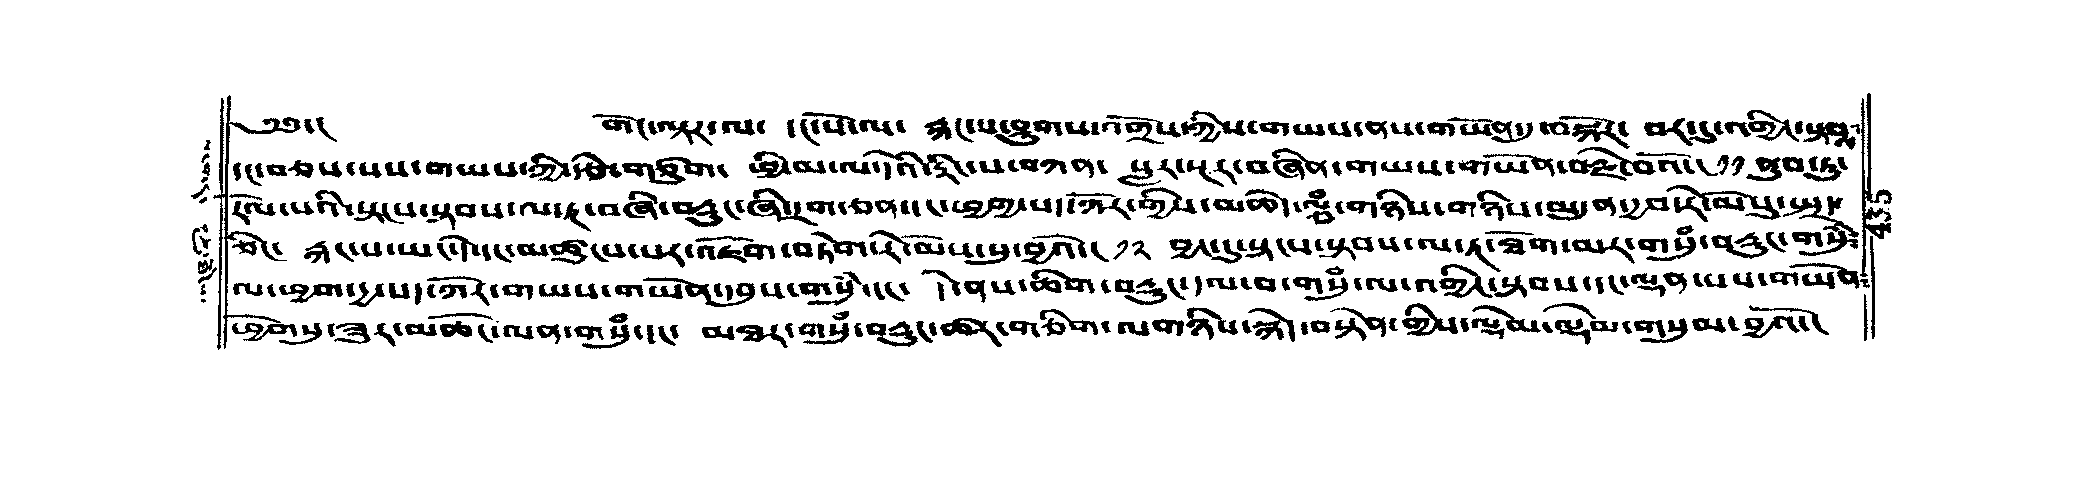གོང་ལྟར་ལ། དང་པོ་ལ། རྐང་པ་ཤུགས་འགྲོས་ཀྱིས་གཡས་ནས་གཡོན་དུ་བསྐོར། བར་དུ་འགྱིང་སྟབས་
དང་བཅས་པས་གཡས་ཀྱི་རྩེ་བཙུག་ཕྱི་མ་ལ་དེའི་རྟིང་པ་བཀན། སླར་སྔར་བཞིན་གཡས་གཡོན་བརྗེ་བའོ། ༡༡ ནུབ་ཏུ་
རོལ་བའི་སྟངས་སྟབས་ལ་་རྔ་བཞི་བརྡུང་ཞི་དྲག་ཅན་དང་ཕྱག་རྒྱ་པད་དཀོར་གྱིས་མཆེད་ལྕམ་གཉིས་གཉིས་མདུན་རྒྱབ་རེ་མོས་སུ་སྤྲད་
ཅིང་། རྐང་པ་ཡང་དེ་དང་མཚུངས་པར་འཇོག་བཏེག་རེ་མོས་སུ་བྱའོ། ༡༢ བྱང་དུ་སྟངས་སྟབས་ལ་རྔ་ཐོག་མར་གསུམ་བརྡུང་གསུམ་
ལ་ཕྱག་རྒྱ་པད་ཀོར་གཡས་གཡོན་དབུས་གསུམ་དང་། དེ་ནས་ཆིད་བརྡུང་དལ་བ་གསུམ་ལ་འགྱིང་སྟབས་དང་ལྡན་པས་གཡོན་
ཕྱོགས་སུ་ཟུར་མཆོང་ལན་གསུམ་དང་། མཐར་གསུམ་བརྡུང་ཚར་གཅིག་ལག་གཉིས་རྐེད་པ་བསྟེན་གྱིས་ལྡེམ་ལྡེམ་གསམ་བྱའོ།